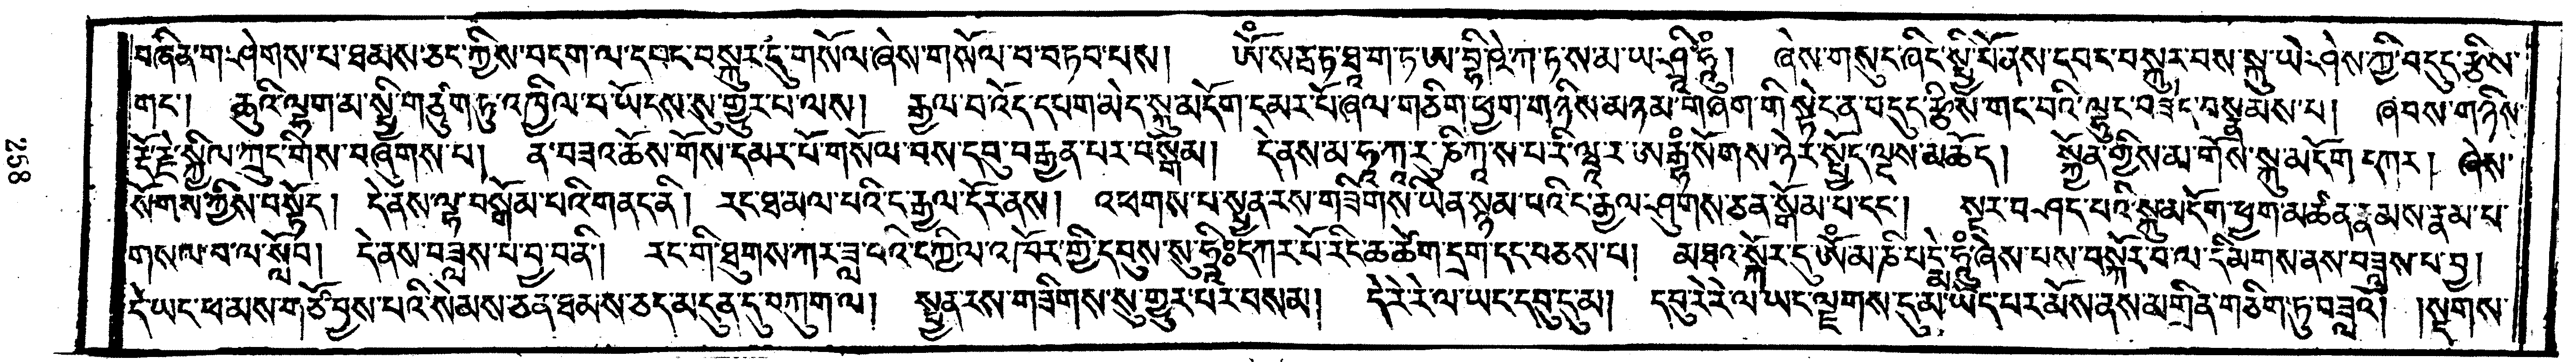བཞིན་གཤེགས་པ་ཐམས་ཅད་ཀྱིས་བདག་ལ་དབང་བསྐུར་དུ་གསོལ་ཞེས་གསོལ་བ་བཏབ་པས། ཨོཾ་སརྦ་ཏ་ཐཱ་ག་ཏ་ཨ་བྷི་ཥེ་ཀ་ཏ་ས་མ་ཡ་ཤྲཱི་ཧཱུཾ། ཞེས་གསུང་ཞིང་སྤྱི་བོ་ནས་དབང་བསྐུར་བས་སྐུ་ཡེ་ཤེས་ཀྱི་བདུད་རྩིས་
གང་། ཆུའི་ལྷག་མ་སྤྱི་གཙུག་ཏུ་འཁྱིལ་པ་ཡོངས་སུ་གྱུར་པ་ལས། རྒྱལ་བ་འོད་དཔག་མེད་སྐུ་མདོག་དམར་པོ་ཞལ་གཅིག་ཕྱག་གཉིས་མཉམ་གཞག་གི་སྟེང་ན་བདུད་རྩིས་གང་བའི་ལྷུང་བཟད་བསྣམས་པ། ཞབས་གཉིས་
རྡོ་རྗེ་སྐྱིལ་ཀྲུང་གིས་བཞུགས་པ། ན་བཟའ་ཆོས་གོས་དམར་པོ་གསོལ་བས་དབུ་བརྒྱན་པར་བསྒོམ། དེ་ནས་མ་ཧཱ་ཀཱ་རུ་ཎི་ཀཱ་ས་པ་རི་ཝཱ་ར་ཨརྒྷཾ་སོགས་ཉེར་སྤྱོད་ལྔས་མཆོད། སྐྱོན་གྱིས་མ་གོས་སྐུ་མདོག་དཀར། ཞེས་
སོགས་ཀྱིས་བསྟོད། དེ་ནས་ལྷ་བསྒོམ་པའི་གནད་ནི། རང་ཐ་མལ་པའི་ང་རྒྱལ་དོར་ནས། འཕགས་པ་སྤྱན་རས་གཟིགས་ཡིན་སྙམ་པའི་ང་རྒྱལ་ཤུགས་ཅན་སྒོམ་པ་དང་། སྔར་བཤད་པའི་སྐུ་མདོག་ཕྱག་མཚན་རྣམས་རྣམ་པ་
གསལ་བ་ལ་སློབ། དེ་ནས་བཟླས་པ་བྱ་བ་ནི། རང་གི་ཐུགས་ཀར་ཟླ་བའི་དཀྱིལ་འཁོར་གྱི་དབུས་སུ་ཧྲཱིཿ དཀར་པོ་རིང་ཆ་ཚེག་དྲག་དང་བཅས་པ། མཐའ་སྐོར་དུ་ཨོཾ་མ་ཎི་པདམེ་ཧཱུཾ་ཞེས་པས་བསྐོར་བ་ལ་དམིགས་ནས་བཟླས་པ་བྱ།
དེ་ཡང་ཕ་མས་གཙོ་བྱས་པའི་སེམས་ཅན་ཐམས་ཅད་མདུན་དུ་བཀུག་ལ། སྤྱན་རས་གཟིགས་སུ་གྱུར་པར་བསམ། དེ་རེ་རེ་ལ་ཡང་དབུ་དུ་མ། དབུ་རེ་རེ་ལ་ཡང་ལྗགས་དུ་མ་ཡོད་པར་མོས་ནས་མགྲིན་གཅིག་ཏུ་བཟླའོ། །སྔགས་